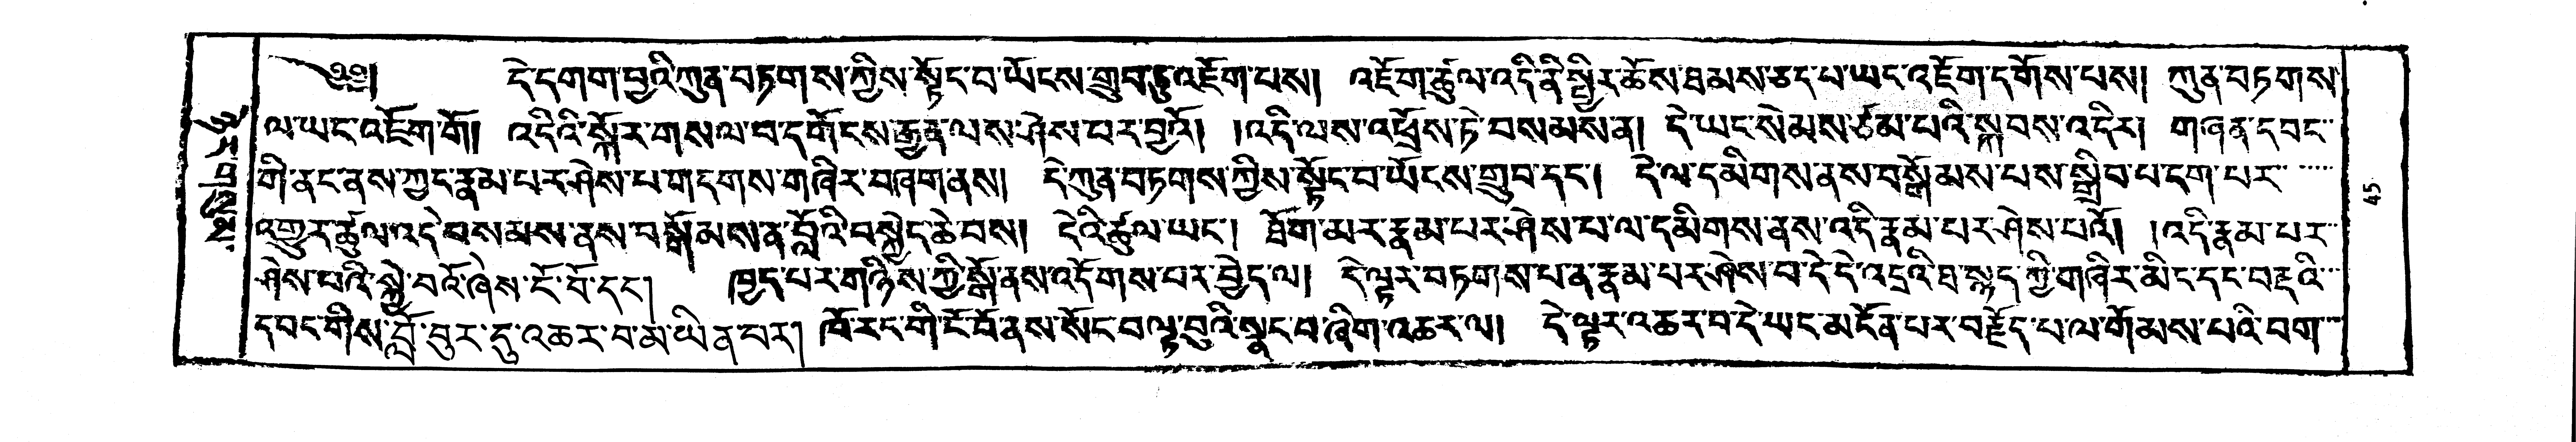༄༅། །དེ་དགག་བྱའི་ཀུན་བཏགས་ཀྱིས་སྟོང་བ་ཡོངས་གྲུབ་ཏུ་འཇོག་པས། འཇོག་ཚུལ་འདི་ནི་སྤྱིར་ཆོས་ཐམས་ཅད་པ་ཡང་འཇོག་དགོས་པས། ཀུན་བཏགས་
ལ་ཡང་འཇོག་གོ། འདིའི་སྐོར་གསལ་བ་དགོངས་རྒྱན་ལས་ཤེས་པར་བྱའོ། །འདི་ལས་འཕྲོས་ཏེ་བསམས་ན། དེ་ཡང་སེམས་ཙམ་པའི་སྐབས་འདིར། གཞན་དབང་
གི་ནང་ནས་ཀྱང་རྣམ་པར་ཤེས་པ་གདགས་གཞིར་བཞག་ནས། དེ་ཀུན་བཏགས་ཀྱིས་སྟོང་བ་ཡོངས་གྲུབ་དང་། དེ་ལ་དམིགས་ནས་བསྒོམས་པས་སྒྲིབ་པ་དག་པར་
འགྱུར་ཚུལ་འདི་བསམས་ནས་བསྒོམས་ན་བློའི་བསྐྱེད་ཆེ་བས། དེའི་ཚུལ་ཡང་། ཐོག་མར་རྣམ་པར་ཤེས་པ་ལ་དམིགས་ནས་འདི་རྣམ་པར་ཤེས་པའོ། །འདི་རྣམ་པར་
ཤེས་པའི་སྐྱེ་བའོ་ཞེས་ངོ་བོ་དང་། ཁྱད་པར་གཉིས་ཀྱི་སྒོ་ནས་འདོགས་པར་བྱེད་ལ། དེ་ལྟར་བཏགས་པ་ན་རྣམ་པར་ཤེས་པ་དེ་དེ་འདྲའི་ཐ་སྙད་ཀྱི་གཞིར་མིང་དང་བརྡའི་
དབང་གིས་བློ་བུར་དུ་འཆར་བ་མ་ཡིན་པར། ཁོ་རང་གི་ངོ་བོ་ནས་སོང་བ་ལྟ་བུའི་སྣང་བ་ཞིག་འཆར་ལ། དེ་ལྟར་འཆར་བ་དེ་ཡང་མངོན་པར་བརྗོད་པ་ལ་གོམས་པའི་བག་